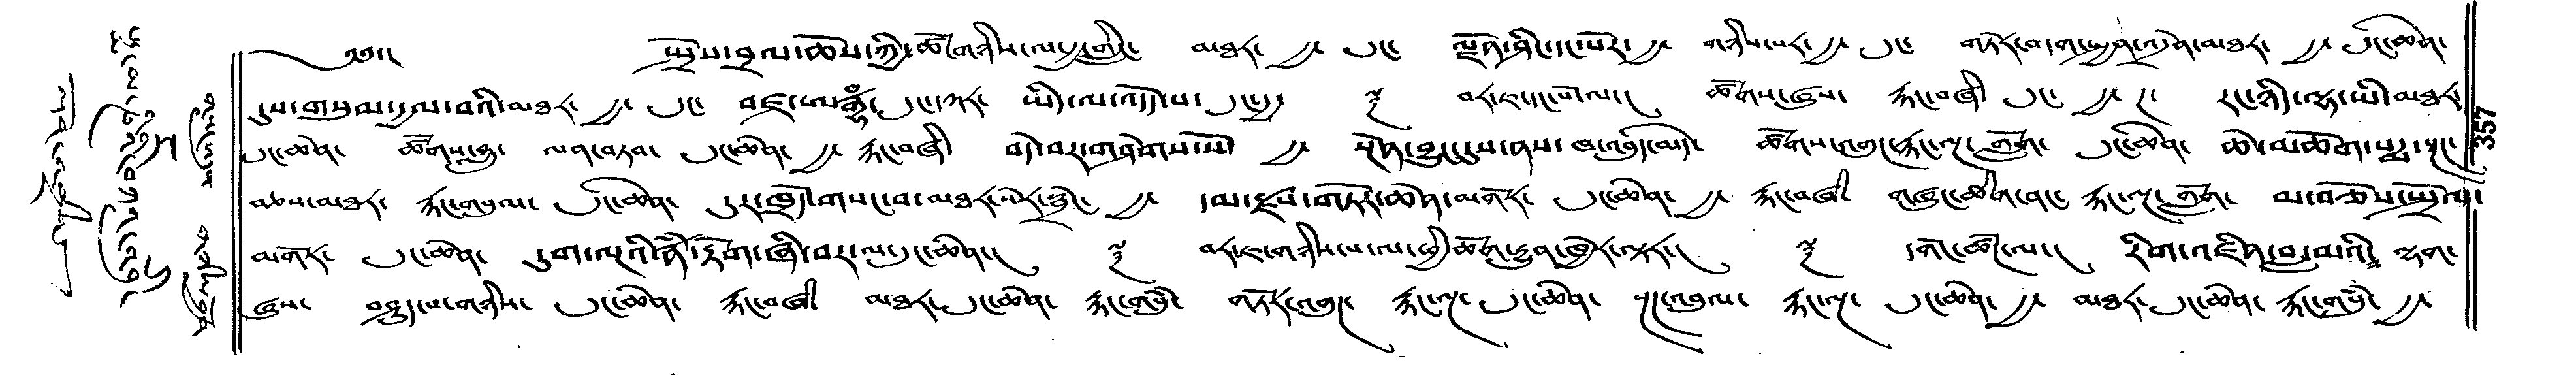སྤྲོས་བྲལ་ཆོས་ཀྱི༴ ཚོ་གཉིས་ལ་རྒྱ་གླིང་། མཐར་། རྒྱ། དུང་། ལྗོན་ཤིང༴ དང་པོར། རྒྱ། གཉིས་པར། རྒྱ། དུང་། གཏེར་བདག་སྤྱན་འདྲེན་མཐར། རྒྱ། དུང་ཆེན། 
དུས་གསུམ་རྒྱལ་བའི༴ མཐར། རྒྱ། དུང་། བཛྲ་ཨརྒྷཾ༴ དུང་དཀར། ཡིད་ལ་འདོད་པ༴ དུང་། རྒྱ། ༈ བར་ཇ་དང་པོ་ལ། ཚོགས་ཞུས། རྐང་བཞི། དུང་། རྒྱ། རྔ། རང་ཉིད་ལྷ་ཡི༴ མཐར། 
དུང་ཆེན། ཚོགས་གླུ།་ལན་བཏབ། དུང་ཆེན། རྒྱ། རྐང་བཞི། བདེ་བར་གཤེགས་སོ༴ རྒྱ། སྔོན་བྱུང་དུས་ནས༴ ཁ་འབུད་མེད། ཚོགས་འགུགས་ལ། རྐང་ལྔ། གློག དུང་ཆེན། ཆེ་མཆོག་པདྨ༴ སྔགས་
བཅས་མཐར། རྐང་གསུམ། དུང་ཆེན། དུར་ཁྲོད་གསང་བ༴ མཐར་སེར་སྦྲེང་། རྒྱ། དམ་རྫས་གཏར་ཆེན༴ མགོར་དུང་ཆེན། རྒྱ། རྐང་བཞི། གཞུང་ཚིག་ནང་། རྐང་ལྔ། གློག ས མ་བཅོས་སྤྲོས་བྲལ༴ 
མགོར། དུང་ཆེན། ས དུག་ལྔའི་རྣམ་རྟོག་ཞི་བར༴ ལ་དུང་ཆེན། ༈ བར་ཇ་གཉིས་ལ་ཕྱི་ཆོག་རྒྱུན་ཁྱེར་ལྟར། ༈ དགོང་ཚོགས་ལ། རིག་འཛིན་བླ་མའི༴ ལྷག་
ཞུས། བཤུགས་པ་གཉིས། དུང་ཆེན། རྐང་བཞི། མཐར། དུང་ཆེན། རྐང་གསུམ། གཏོར་འགུགས། རྐང་ལྔ། དུང་ཆེན། སྔགས་འབུལ། རྐང་ལྔ། དུང་ཆེན། རྒྱ། མཐར་དུང་ཆེན། རྐང་གསུམ། རྒྱ།